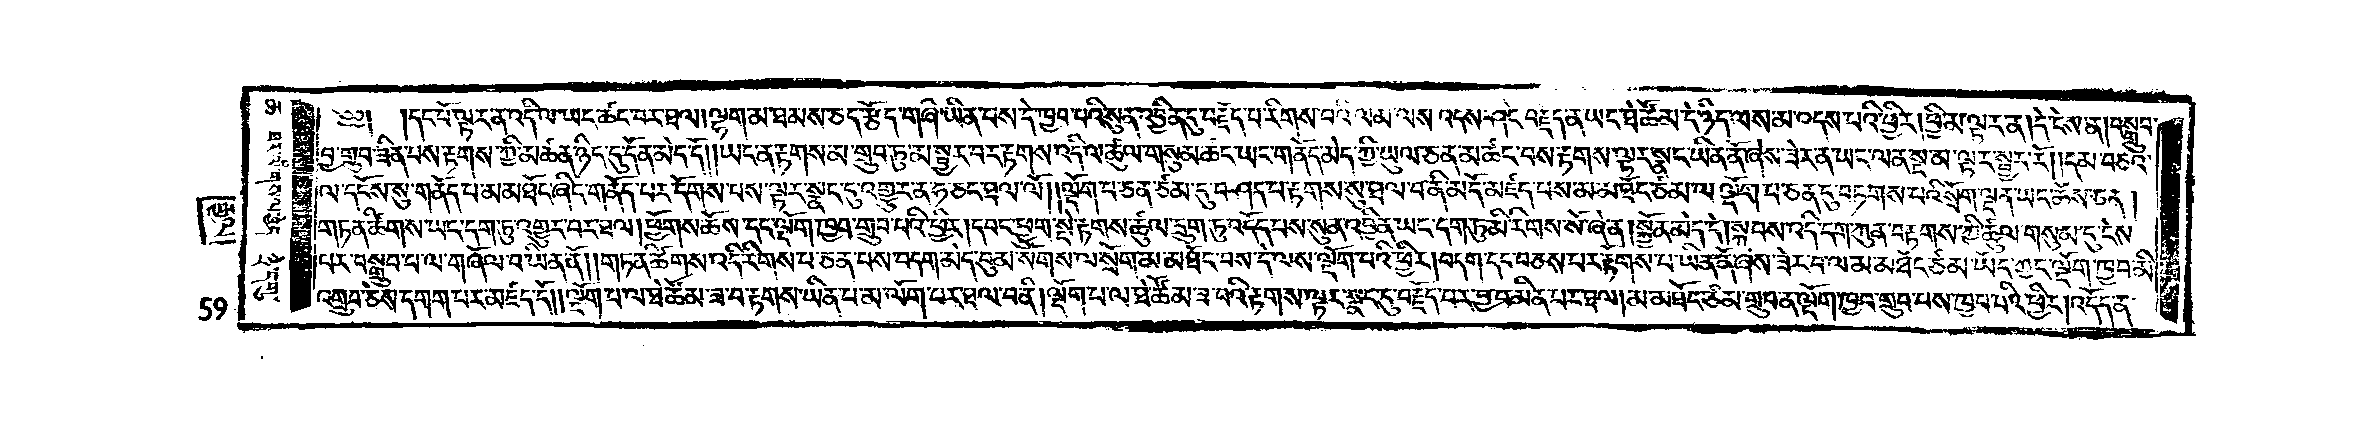༄༅། །དང་པོ་ལྟར་ན་འདི་ལ་ཡང་ཚང་བར་ཐལ། ལྷག་མ་ཐམས་ཅད་རྩོད་གཞི་ཡིན་པས་དེ་ཁྱབ་པའི་སུན་འབྱིན་དུ་བརྗོད་པ་རིགས་པའི་ལམ་ལས་འདས་ཤིང་བརྗོད་ན་ཡང་ཐེ་ཚོམ་དེ་ཉིད་ལས་མ་འདས་པའི་ཕྱིར། ཕྱི་མ་ལྟར་ན། དེ་ངེས་ན། བསྒྲུབ་
བྱ་གྲུབ་ཟིན་པས་རྟགས་ཀྱི་མཚན་ཉིད་དུ་དོན་མེད་དོ། །ཡང་ན་རྟགས་མ་གྲུབ་ཏུ་མ་སྦྱར་བར་རྟགས་འདི་ལ་ཚུལ་གསུམ་ཚང་ཡང་གནོད་མེད་ཀྱི་ཡུལ་ཅན་མ་ཚང་བས་རྟགས་ལྟར་སྣང་ཡིན་ནོ་ཞེས་ཟེར་ན་ཡང་ལན་སྔ་མ་ལྟར་སྦྱར་རོ། །དམ་བཅའ་
ལ་དངོས་སུ་གནོད་པ་མ་མཐོང་ཞིང་གནོད་པར་དོགས་པས་ལྟར་སྣང་དུ་འགྱུར་ན་ཧ་ཅང་ཐལ་ལོ། །ལྡོག་པ་ཅན་ཙམ་དུ་བཤད་པ་རྟགས་སུ་ཐལ་བ་ནི་མདོ་མཛད་པས་མ་མཐོང་ཙམ་ལ་ལྡོག་པ་ཅན་དུ་བཏགས་པའི་སྲོག་ལྡན་ཡང་ཆོས་ཅན།
གཏན་ཚིགས་ཡང་དག་ཏུ་འགྱུར་བར་ཐལ། ཕྱོགས་ཆོས་དང་ལྡོག་ཁྱབ་གྲུབ་པའི་ཕྱིར། དབང་ཕྱུག་སྡེ་རྟགས་ཚུལ་དྲུག་ཏུ་འདོད་པས་སུན་འབྱིན་ཡང་དག་ཏུ་མི་རིགས་སོ་ཞེ་ན། སྐྱོན་མེད་དེ། སྐབས་འདི་དག་ཀུན་བརྟགས་ཀྱི་ཚུལ་གསུམ་དུ་ངེས་
པར་བསྒྲུབ་པ་ལ་གཞོལ་བ་ཡིན་ནོ། །གཏན་ཚིགས་འདི་རིགས་པ་ཅན་པས་བདག་མེད་བུམ་སོགས་ལ་སྲོག་མ་མཐོང་བས་དེ་ལས་ལྡོག་པའི་ཕྱིར། བདག་དང་བཅས་པར་རྟོགས་པ་ཡིན་ནོ་ཞེས་ཟེར་བ་ལ་མ་མཐོང་ཙམ་ཡོད་ཀྱང་ལྡོག་ཁྱབ་མི་
འགྲུབ་ཅེས་དགག་པར་མཛད་དོ། །ལྡོག་པ་ལ་ཐེ་ཚོམ་ཟ་བ་རྟགས་ཡིན་པ་མ་ལོག་པར་ཐལ་བ་ནི། ལྡོག་པ་ལ་ཐེ་ཚོམ་ཟ་བའི་རྟགས་ལྟར་སྣང་དུ་བརྗོད་པར་བྱ་བ་མིན་པར་ཐལ། མ་མཐོང་ཙམ་གྲུབ་ན་ལྡོག་ཁྱབ་གྲུབ་པས་ཁྱབ་པའི་ཕྱིར། འདོད་ན་